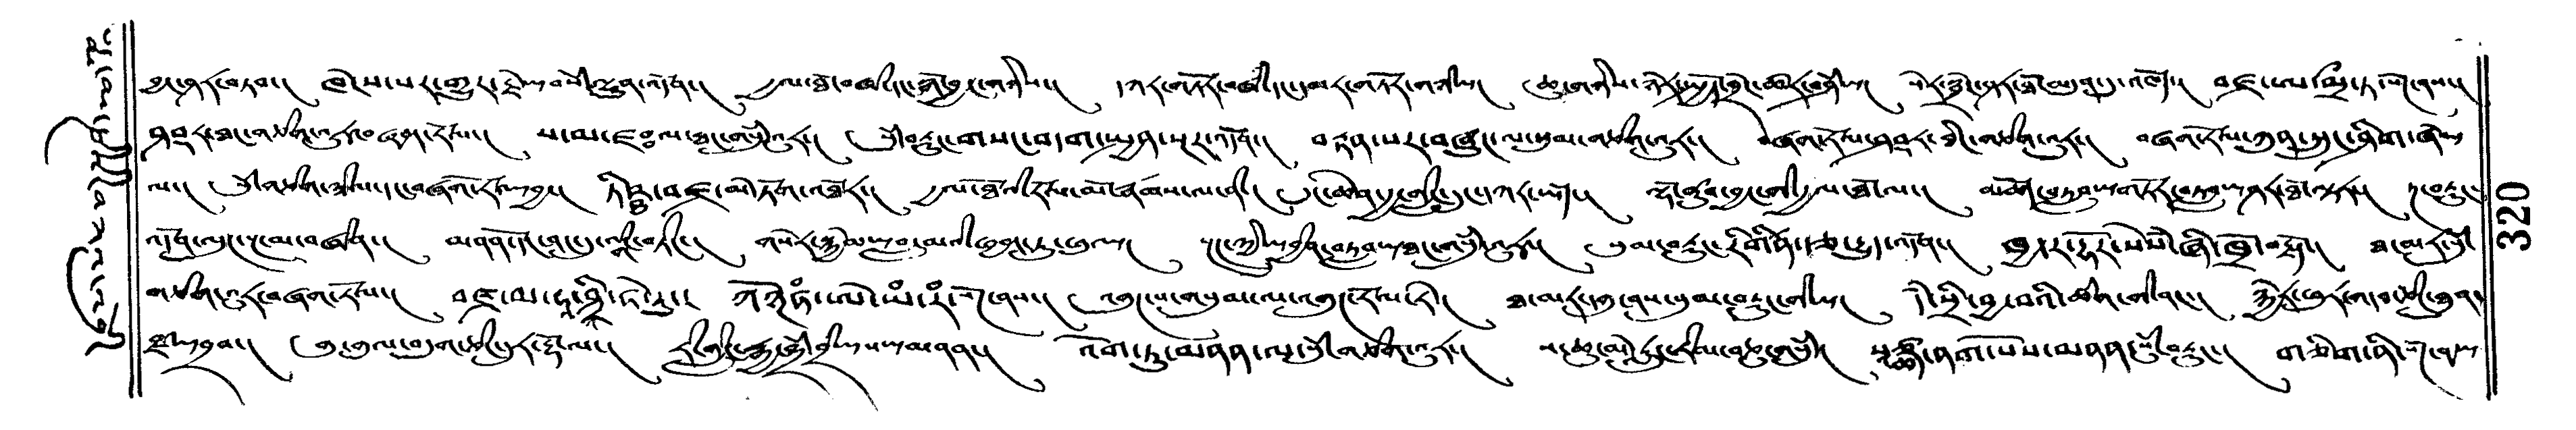བྱང་ཤར་བཏབ། ཁེངས་པར་གྱུར་རྗེས་བསམ་ལྷུན་འདོན། །རྒྱལ་ཐོ་བཞི་དང་སྒོ་བྱང་གཉིས། །དཀར་གཏོར་བཞི་དང་དམར་གཏོར་གཉིས། །ཆུ་གཉིས་ཉེར་སྤྱོད་ཕྲེང་ཚར་བཤམས། །སེར་སྦྲེང་ཤར་ཐོའི་མདུན་དུ་འཁོད། །བཛྲ་ཨ་མྲི་ཏ༴ སོགས་ནས། །
ཤབྡ ར་ཐང་གཅིག་འུར་བཞག་རོལ། །ས་མ་ཛཿ ལ་ཐང་གསུམ་འུར། །སུམ་རྡུང་གསང་བདག་སྤྱན་སྔར་འདོན། །བརྟན་པར་བཞུགས༴ ལ་སུམ་གཅིག་འུར། བཞག་རོལ་ཤབྡ ར་ཐིང་གཅིག་འུར། །བཞག་རོལ་ཀུན་སྲུངས་ཤིག་ཞེས་
ལ། །སུམ་གཅིག་ཟིལ་དང་བཞག་རོལ་བྱ། །ཏིཥྛ་བཛྲ་མེ་ཏོག་འཐོར། །རྒྱལ་ཐོའི་རོལ་མོ་རྣམས་ལ་ནི། །དུང་ཆེན་རྒྱ་གླིང་དུང་དཀར་ཡོད། །ལྷོ་ནུབ་བྱང་གི་རྒྱལ་ཐོ་ལ། །མཆོད་བརླབ་གཏོར་བརླབ་ཤར་ཐོ་ལྟར། །རྔ་རྡུང་
འདོན་ལུགས་སྔ་མ་བཞིན། །མནན་དོང་ནང་དུ་ལིངྒ་བཏིང་། །གསེར་སྐྱེམས་བླ་མའི་ཕྱག་ཏུ་ཕུལ། །སྔགས་ཀྱིས་བྱིན་བརླབ་ཐང་གསུམ་འུར། །སུམ་རྡུང་རིག་འཛིན་རྩ་རྒྱུད་འདོན། ཁྱད་པར་རྡོར་སེམས་ཞི་ཁྲོ༴ བརྗོད། །མཐའ་མར་སུམ་
གཅིག་འུར་བཞག་རོལ། །བཛྲ་མ་ཧཱ་ཤྲཱི་ཧེ་རུ། །ཀོ྅ཧཾ་ཨེ་ཡཾ་རཾ༴ སོགས་ནས།། འགུགས་པ་གསུམ་ལ་འགུགས་རོལ་ཏེ། །མཐའ་མར་དགུ་ནས་སུམ་རྡུང་གིས། །དམ་སྲི་བྱ་བའི་ཚིག་གི་ནང་། །སྐྱེར་ཕུར་གདབ་ཅིང་ཐུན་
རྫས་བྲབ། །གུ་གུལ་བདུག་ཅིང་དུར་རྡོ་ལ། །རི་གླིང་རྒྱ་གྲམ་བྲིས་པས་མནན། །འོག་ཏུ་མནན༴ ལ་སུམ་གཅིག་འུར། ། ས་ཆུ་མེ་རླུང་རིམ་བཅུ་གསུམ། །སཱཙྪད་ནག་པོས་མནན་སུམ་བརྡུང་། །གཅིག་ནི༴ སོགས་ནས་